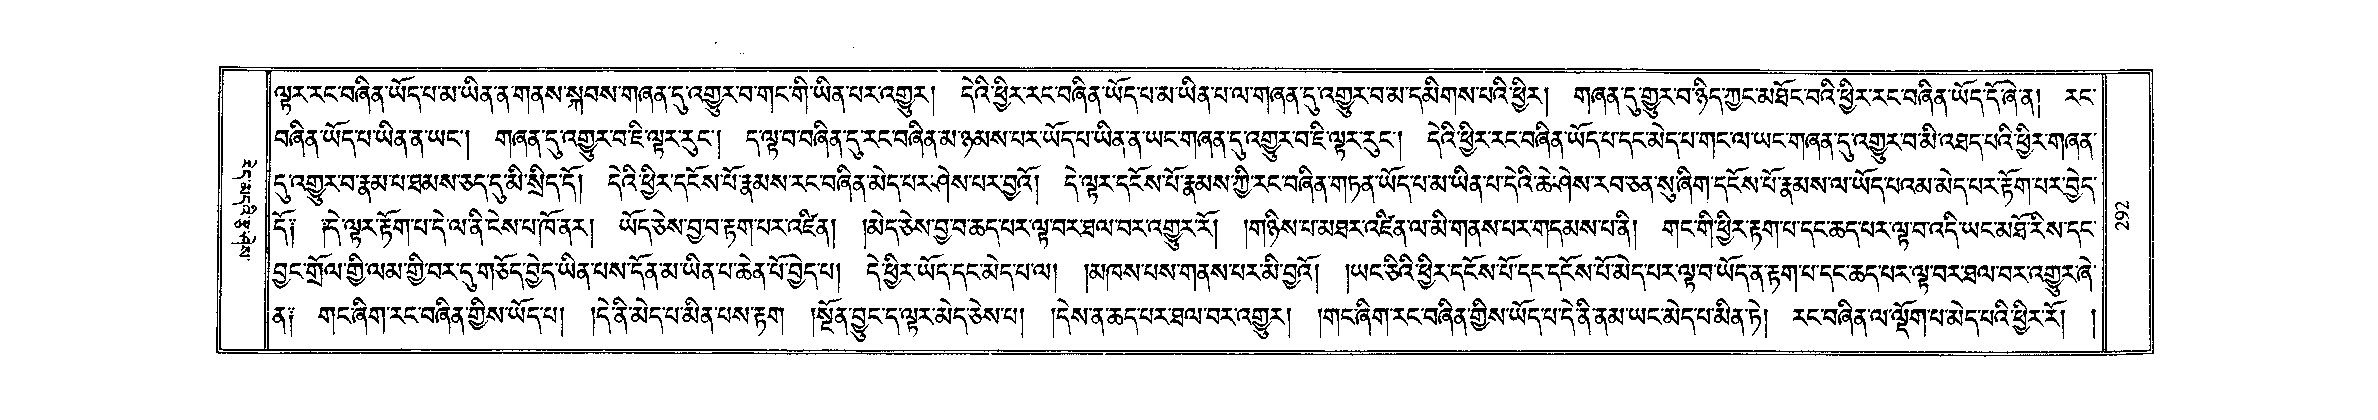ལྟར་རང་བཞིན་ཡོད་པ་མ་ཡིན་ན་གནས་སྐབས་གཞན་དུ་འགྱུར་བ་གང་གི་ཡིན་པར་འགྱུར། དེའི་ཕྱིར་རང་བཞིན་ཡོད་པ་མ་ཡིན་པ་ལ་གཞན་དུ་འགྱུར་བ་མ་དམིགས་པའི་ཕྱིར། གཞན་དུ་གྱུར་བ་ཉིད་ཀྱང་མཐོང་བའི་ཕྱིར་རང་བཞིན་ཡོད་དོ་ཞེ་ན། རང་
བཞིན་ཡོད་པ་ཡིན་ན་ཡང་། གཞན་དུ་འགྱུར་བ་ཇི་ལྟར་རུང་། ད་ལྟ་བ་བཞིན་དུ་རང་བཞིན་མ་ཉམས་པར་ཡོད་པ་ཡིན་ན་ཡང་གཞན་དུ་འགྱུར་བ་ཇི་ལྟར་རུང་། དེའི་ཕྱིར་རང་བཞིན་ཡོད་པ་དང་མེད་པ་གང་ལ་ཡང་གཞན་དུ་འགྱུར་བ་མི་འཐད་པའི་ཕྱིར་གཞན་
དུ་འགྱུར་བ་རྣམ་པ་ཐམས་ཅད་དུ་མི་སྲིད་དོ། དེའི་ཕྱིར་དངོས་པོ་རྣམས་རང་བཞིན་མེད་པར་ཤེས་པར་བྱའོ། དེ་ལྟར་དངོས་པོ་རྣམས་ཀྱི་རང་བཞིན་གཏན་ཡོད་པ་མ་ཡིན་པ་དེའི་ཆེ་ཤེས་རབ་ཅན་སུ་ཞིག་དངོས་པོ་རྣམས་ལ་ཡོད་པའམ་མེད་པར་རྟོག་པར་བྱེད་
དོ༑ ༑དེ་ལྟར་རྟོག་པ་དེ་ལ་ནི་ངེས་པ་ཁོ་ནར། ཡོད་ཅེས་བྱ་བ་རྟག་པར་འཛིན། །མེད་ཅེས་བྱ་བ་ཆད་པར་ལྟ་བར་ཐལ་བར་འགྱུར་རོ། །གཉིས་པ་མཐར་འཛིན་ལ་མི་གནས་པར་གདམས་པ་ནི། གང་གི་ཕྱིར་རྟག་པ་དང་ཆད་པར་ལྟ་བ་འདི་ཡང་མཐོ་རིས་དང་
བྱང་གྲོལ་གྱི་ལམ་གྱི་བར་དུ་གཅོད་བྱེད་ཡིན་པས་དོན་མ་ཡིན་པ་ཆེན་པོ་བྱེད་པ། དེ་ཕྱིར་ཡོད་དང་མེད་པ་ལ། །མཁས་པས་གནས་པར་མི་བྱའོ། །ཡང་ཅིའི་ཕྱིར་དངོས་པོ་དང་དངོས་པོ་མེད་པར་ལྟ་བ་ཡོད་ན་རྟག་པ་དང་ཆད་པར་ལྟ་བར་ཐལ་བར་འགྱུར་ཞེ་
ན༑ གང་ཞིག་རང་བཞིན་གྱིས་ཡོད་པ། །དེ་ནི་མེད་པ་མིན་པས་རྟག །སྔོན་བྱུང་ད་ལྟར་མེད་ཅེས་པ། །དེས་ན་ཆད་པར་ཐལ་བར་འགྱུར། །གང་ཞིག་རང་བཞིན་གྱིས་ཡོད་པ་དེ་ནི་ནམ་ཡང་མེད་པ་མིན་ཏེ། རང་བཞིན་ལ་ལྡོག་པ་མེད་པའི་ཕྱིར་རོ། །